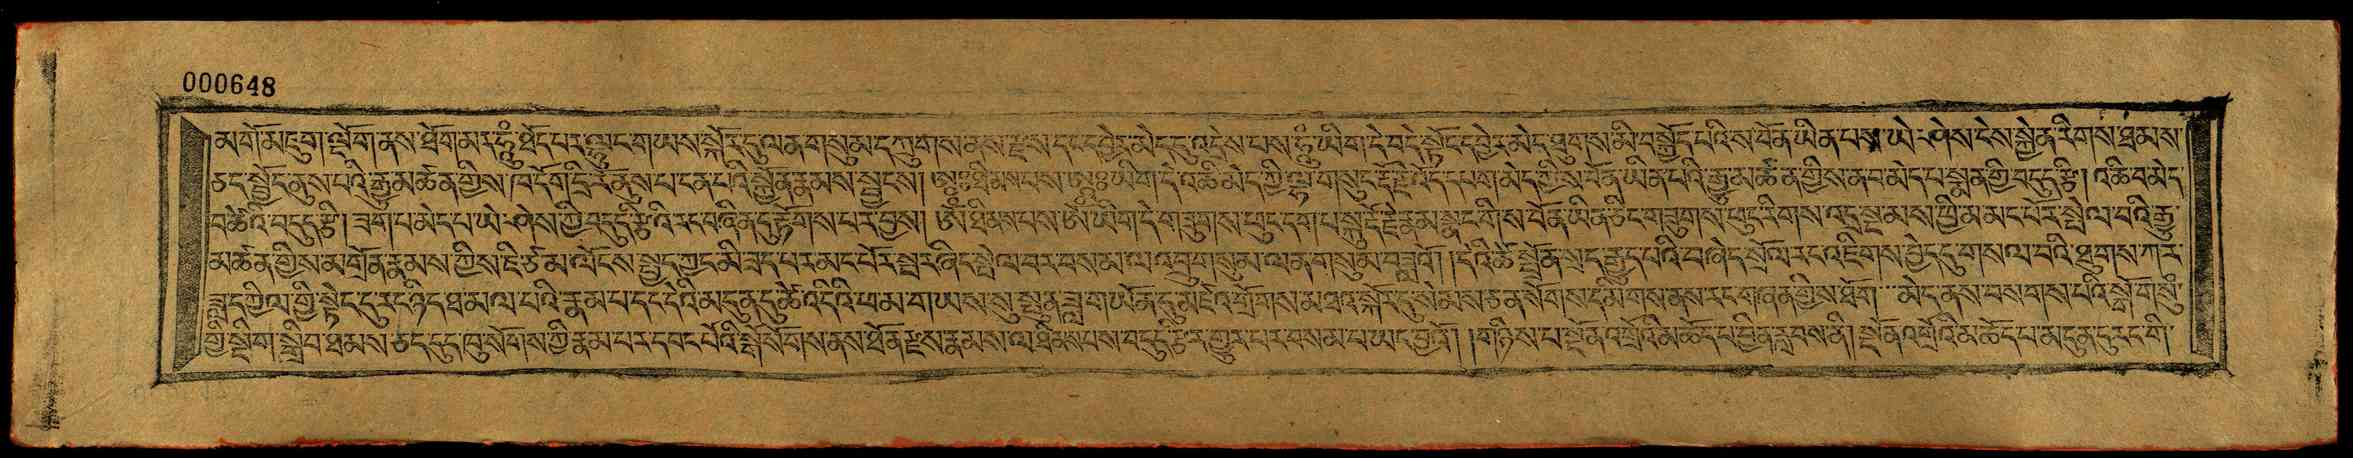མགོ་མཇུག་ལྡོག་ནས་ཐོག་མར་ཧཱུཾ་ཐོད་པར་ལྷུང་གཡས་སྐོར་དུ་ལན་གསུམ་དཀྲུགས་ནས་རྫས་དང་དབྱེར་མེད་དུ་འདྲེས་པས་ཧཱུཾ་ཡིག་དེ་བདེ་སྟོང་དབྱེར་མེད་ཐུགས་མི་བསྐྱོད་པའི་ས་བོན་ཡིན་པས་ཡེ་ཤེས་དེས་སྐྱོན་རིགས་ཐམས་
ཅད་སྦྱོང་ནུས་པའི་རྒྱུ་མཚན་གྱིས་ཁ་དོག་དྲི་རོ་ནུས་པ་ངན་པའི་སྐྱོན་རྣམས་སྦྱངས། ཨཱཿ ཐིམས་པས་ཨཱཿ ཡིག་དེ་འཆི་མེད་ཀྱི་ལྷ་གསུང་རྡོ་རྗེ་འོད་དཔག་མེད་ཀྱི་ས་བོན་ཡིན་པའི་རྒྱུ་མཚན་གྱིས་ན་བ་མེད་པ་སྨན་གྱི་བདུད་རྩི། འཆི་བ་མེད་
པ་ཚེའི་བདུད་རྩི། ཟག་པ་མེད་པ་ཡེ་ཤེས་ཀྱི་བདུད་རྩིའི་རང་བཞིན་དུ་རྟོགས་པར་བྱས། ཨོཾ་ཐིམས་པས་ཨོཾ་ཡིག་དེ་གཟུགས་ཕུང་དག་པ་སྐུ་རྡོ་རྗེ་རྣམ་སྣང་གི་ས་བོན་ཡིན་ཅིང་གཟུགས་ཕུང་རིགས་འདྲ་སྔ་མས་ཕྱི་མ་མང་པོར་སྤེལ་བའི་རྒྱུ་
མཚན་གྱིས་མགྲོན་རྣམས་ཀྱིས་ཇི་ཙམ་ལོངས་སྤྱད་ཀྱང་མི་ཟད་པར་མང་པོར་སྦར་ཞིང་སྤེལ་བར་བསམ་ལ་འབྲུ་གསུམ་ལན་གསུམ་བཟླའོ། །དེའི་ཚེ་སྤྲོ་ན་སྲང་རྒྱུད་པའི་བཞེད་སྲོལ་རང་འཇིགས་བྱེད་དུ་གསལ་བའི་ཐུགས་ཀར་
ཟླ་དཀྱིལ་གྱི་སྟེང་དུ་རང་ཉིད་ཐ་མལ་པའི་རྣམ་པ་དང་དེའི་མདུན་དུ་ཚེ་འདིའི་ཕ་མ་གཡས་སུ་སྤུན་ཟླ་གཡོན་དུ་མཛའ་གྲོགས་མཐའ་སྐོར་དུ་སེམས་ཅན་སོགས་དམིགས་ནས་རང་གཞན་གྱིས་ཐོག་མེད་ནས་བསགས་པའི་སྒོ་གསུམ་
གྱི་སྡིག་སྒྲིབ་ཐམས་ཅད་དུད་ཁུ་སོགས་ཀྱི་རྣམ་པར་དབང་པོའི་སྒོ་སྒོས་ནས་ཐོན་རྫས་རྣམས་ལ་ཐིམ་པས་བདུད་རྩིར་གྱུར་པར་བསམ་པ་ཡང་བྱའོ། །གཉིས་པ་སྔོན་འགྲོའི་མཆོད་པ་བྱིན་རླབས་ནི། སྔོན་འགྲོའི་མཆོད་པ་མདུན་དུ་རང་གི་